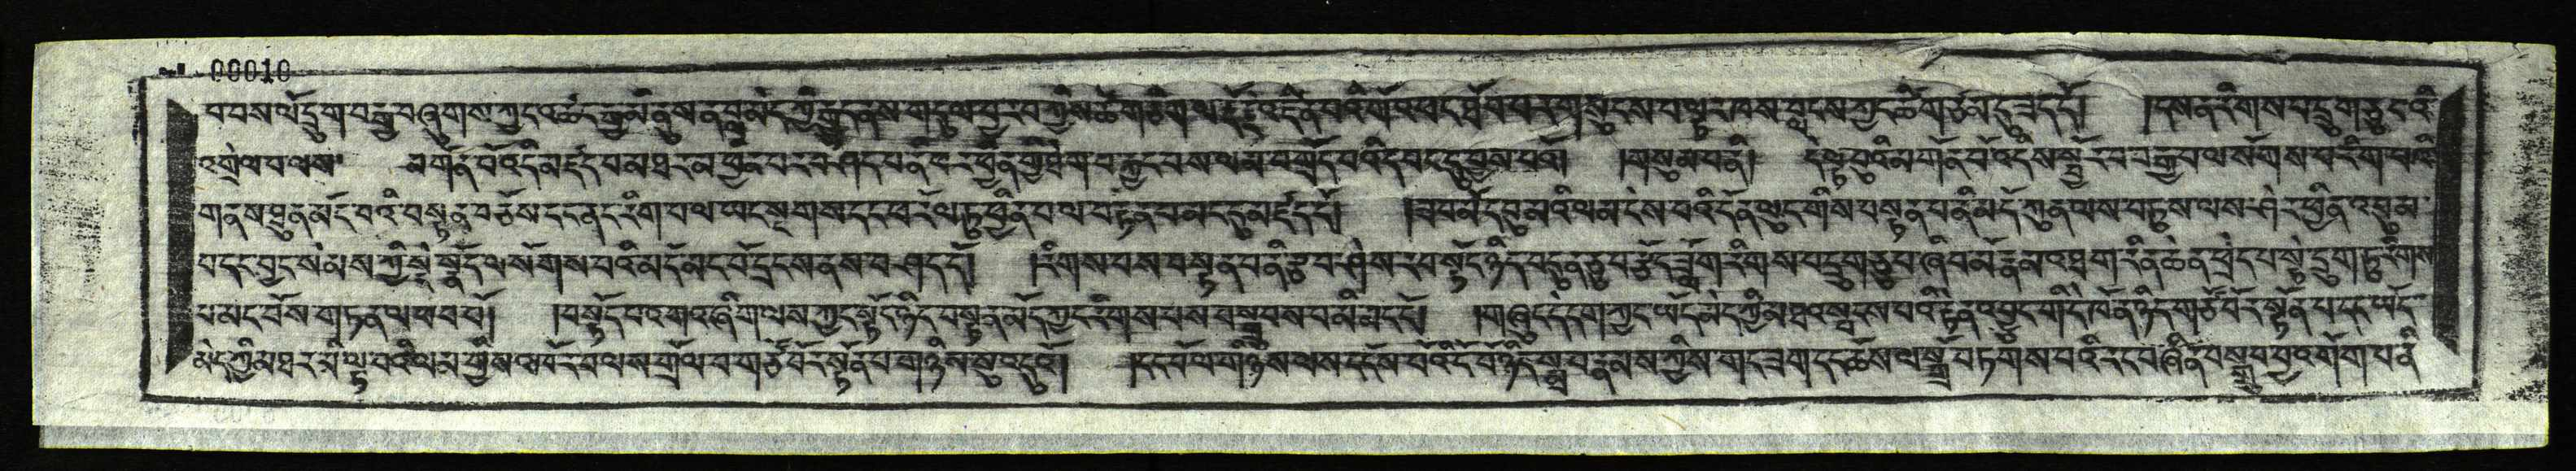པ་བས་ལོ་དྲུག་བརྒྱ་བཞུགས་ཀྱང་འཚང་རྒྱ་མི་ནུས་ན་བླ་མེད་ཀྱི་རྒྱུད་ནས་གདུལ་བྱ་རབ་ཀྱིས་ཚེ་གཅིག་ལ་རྡོ་རྗེ་འཛིན་པའི་གོ་འཕང་ཐོབ་པར་གསུངས་པ་ལྟར་ཁས་བླངས་ཀྱང་ཚིག་ཙམ་དུ་ཟད་དོ། །དེས་ན་རིགས་པ་དྲུག་ཅུ་བའི་
འགྲེལ་བ་ལས་མགོན་པོ་འདི་མཛད་པ་མཐར་མ་ཕྱིན་པར་བཤད་པ་ནི་ཕར་ཕྱིན་གྱི་ཐེག་པ་རྐྱང་པས་ལམ་བགྲོད་པའི་དབང་དུ་བྱས་པའོ། །གསུམ་པ་ནི། དེ་ལྟ་བུའི་མགོན་པོ་འདིས་སྦྱོར་བ་བརྒྱབ་ལ་སོགས་པ་རིག་པའི་
གནས་ཐུན་མོང་བའི་བསྟན་བཅོས་དང་ནང་རིག་པ་ལ་ཡང་སྔགས་དང་ཕ་རོལ་ཏུ་ཕྱིན་པ་ལ་བརྟེན་པ་མང་དུ་མཛད་དོ། །ཟབ་མོ་དབུ་མའི་ལམ་ངེས་པའི་དོན་ལུང་གིས་བསྟན་པ་ནི་མདོ་ཀུན་ལས་བཏུས་ལས་ཤེར་ཕྱིན་འབུམ་
པ་དང་བྱང་སེམས་ཀྱི་སྡེ་སྣོད་ལ་སོགས་པའི་མདོ་མང་པོ་དྲངས་ནས་བཤད་དོ། །རིགས་པས་བསྟན་པ་ནི་རྩ་བ་ཤེས་རབ་སྟོང་ཉིད་བདུན་ཅུ་པ་རྩོད་ཟློག་རིགས་པ་དྲུག་ཅུ་པ་ཞིབ་མོ་རྣམ་འཐག་རིན་ཆེན་ཕྲེང་བ་སྟེ་དྲུག་ཏུ་རིགས་
པ་མང་པོས་གཏན་ལ་ཕབ་པོ། །བསྟོད་པ་འགའ་ཞིག་ལས་ཀྱང་སྟོང་ཉིད་བསྟན་མོད་ཀྱང་རིགས་པས་བསྒྲུབས་པ་མི་མང་ངོ། །གཞུང་དེ་དག་ཀྱང་ཡོད་མེད་ཀྱི་མཐའ་སྤངས་པའི་རྟེན་འབྱུང་གི་དེ་ཁོ་ན་ཉིད་གཙོ་བོར་སྟོན་པ་དང་ཡོད་
མེད་ཀྱི་མཐར་མི་ལྟ་བའི་ལམ་གྱིས་འཁོར་བ་ལས་གྲོལ་བ་གཙོ་བོར་སྟོན་པ་གཉིས་སུ་འདུའོ། །དང་པོ་ལ་གཉིས་ལས་དངོས་པོའི་ངོ་བོ་ཉིད་སྨྲ་བ་རྣམས་ཀྱིས་གང་ཟག་དང་ཆོས་ལ་སྒྲོ་བཏགས་པའི་རང་བཞིན་བསྒྲུབ་བྱ་འགོག་པ་ནི་